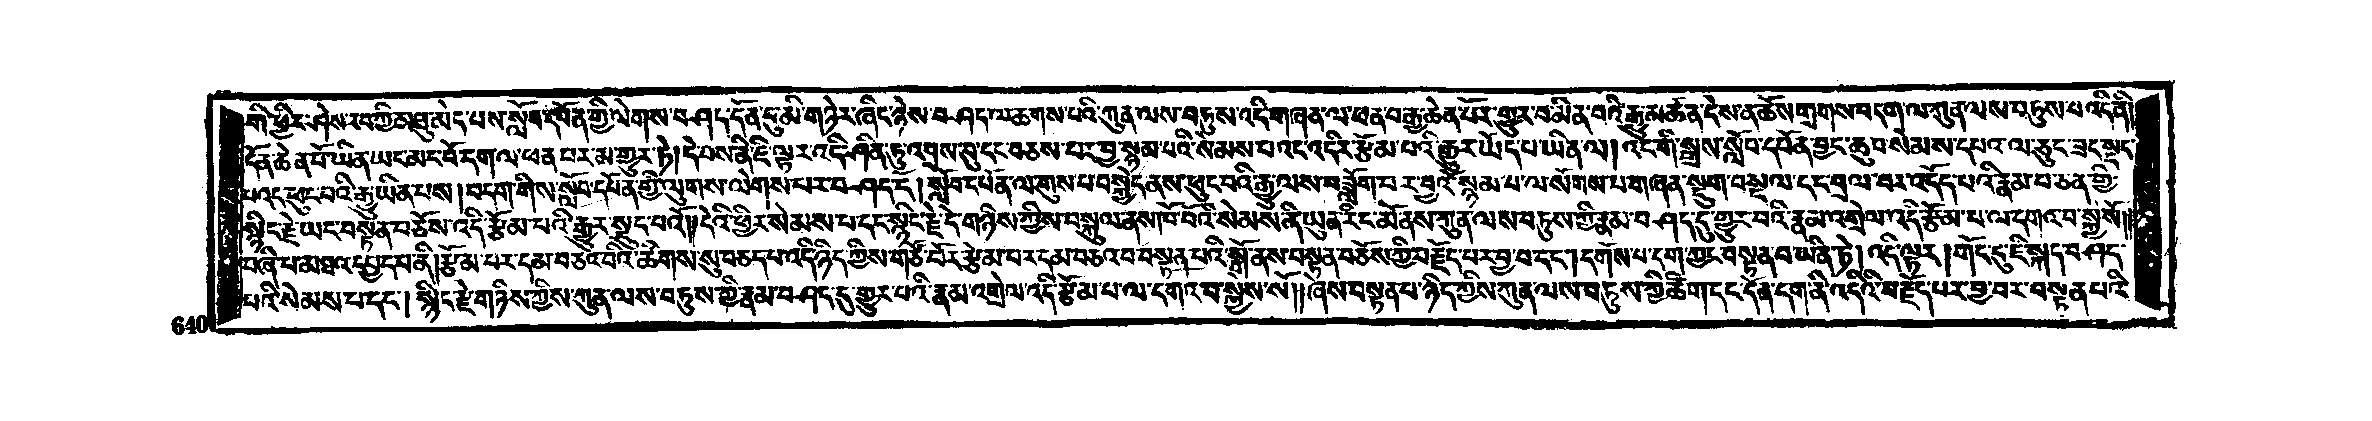གི་ཕྱིར་ཤེས་རབ་ཀྱི་མཐུ་མེད་པས་སློབ་དཔོན་གྱི་ལེགས་བཤད་དོན་བུ་མི་གཉེར་ཞིང་ཉེས་བཤད་ལ་ཆགས་པའི་ཀུན་ལས་བཏུས་འདི་གཞན་ལ་ཕན་པ་རྒྱ་ཆེན་པོར་གྱུར་བ་མིན་པའི་རྒྱུ་མཚན་དེས་ན་ཆོས་གྲགས་བདག་ལ་ཀུན་ལས་བཏུས་པ་འདི་ནི།
དོན་ཆེན་པོ་ཡིན་ཡང་མང་བོ་དག་ལ་ཕན་པར་མ་གྱུར་ཏེ། དེ་བས་ནི་ཇི་ལྟར་འདི་ཤིན་ཏུ་འབྲས་བུ་དང་བཅས་པར་བྱ་སྙམ་པའི་སེམས་པའང་འདིར་རྩོམ་པའི་རྒྱུར་ཡོད་པ་ཡིན་ལ། འང་གི་སྒྲས་སློབ་དཔོན་བྱང་ཆུབ་སེམས་དཔའ་ལ་ཅུང་ཟད་སྡང་
པའང་ཕུང་བའི་རྒྱུ་ཡིན་པས། བདག་གིས་སློབ་དཔོན་གྱི་ལུགས་ལེགས་པར་བཤད་དོ། སློབ་དཔོན་ལ་གུས་པ་བསྐྱེད་ནས་ཕུང་བའི་རྒྱུ་ལས་བཟློག་པར་བྱའོ་སྙམ་པ་ལ་སོགས་པ་གཞན་སྡུག་བསྔལ་དང་བྲལ་བར་འདོད་པའི་རྣམ་པ་ཅན་གྱི་
སྙིང་རྗེ་ཡང་བསྟན་བཅོས་འདི་རྩོམ་པའི་རྒྱུར་སྡུད་པའོ། །དེའི་ཕྱིར་སེམས་པ་དང་སྙིང་རྗེ་དེ་གཉིས་ཀྱིས་བསྐུལ་ནས་ཁོ་བོའི་སེམས་ནི་ཡུན་རིང་མོ་ནས་ཀུན་ལས་བཏུས་ཀྱི་རྣམ་བཤད་དུ་གྱུར་བའི་རྣམ་འགྲེལ་འདི་རྩོམ་པ་ལ་དགའ་བ་སྐྱེ་སོ།།
བཞི་པ་མཐའ་དཔྱད་པ་ནི། རྩོམ་པར་དམ་བཅའ་བའི་ཚིགས་སུ་བཅད་པ་འདི་ཉིད་ཀྱིས་གཙོ་བོར་རྩེམ་པར་དམ་བཅའ་བ་བསྟན་པའི་སྒོ་ནས་བསྟན་བཅོས་ཀྱི་བརྗོད་པར་བྱ་བ་དང་། དགོས་པ་དག་ཀྱང་བསྟན་པ་ཡིན་ཏེ། འདི་ལྟར། གོང་དུ་ཇི་སྐད་བཤད་
པའི་སེམས་པ་དང་། སྙིང་རྗེ་གཉིས་ཀྱིས་ཀུན་ལས་བཏུས་ཀྱི་རྣམ་བཤད་དུ་གྱུར་པའི་རྣམ་འགྲེལ་འདི་རྩོམ་པ་ལ་དགའ་བ་སྐྱེས་སོ། །ཞེས་བསྟན་པ་ཉིད་ཀྱིས་ཀུན་ལས་བཏུས་ཀྱི་ཚིག་དང་དོན་དག་ནི་འདིའི་བརྗོད་པར་བྱ་བར་བསྟན་པའི་